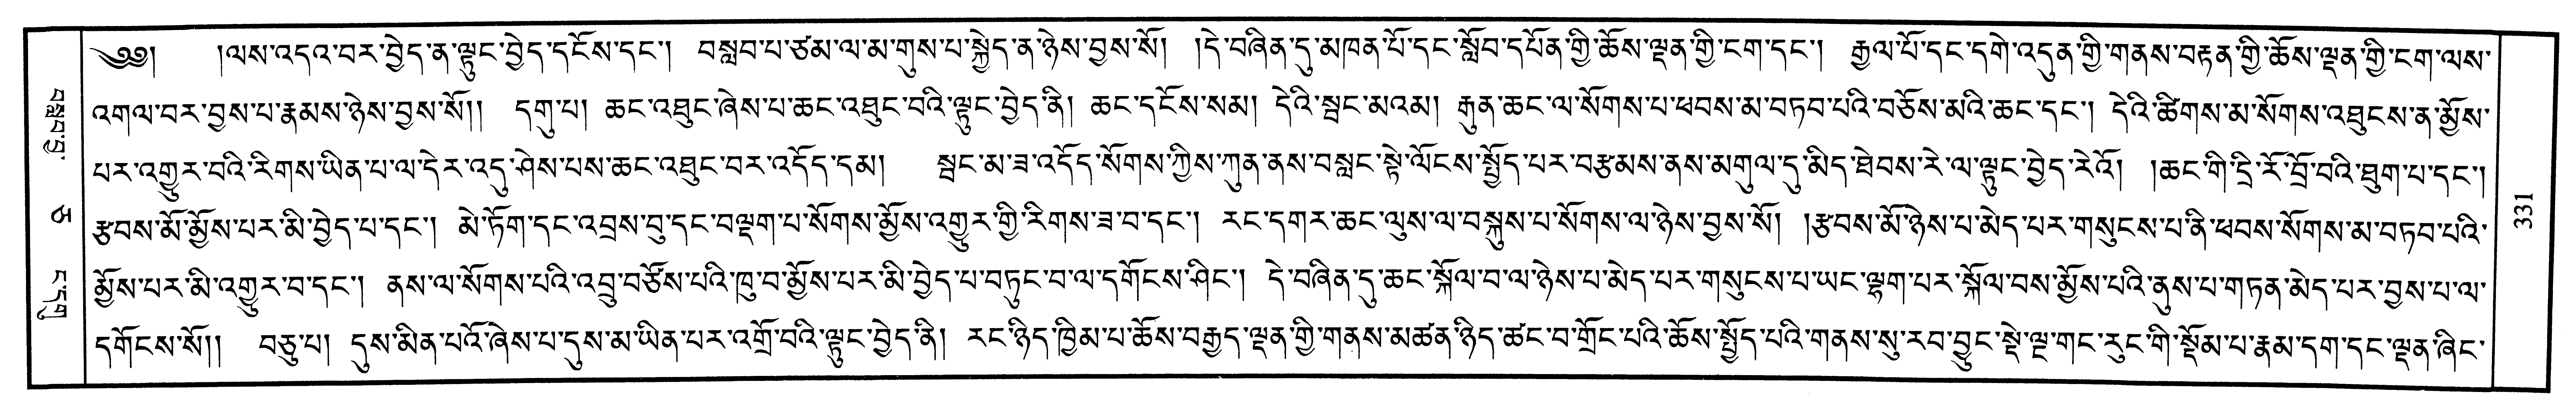༄༅། །ལས་འདའ་བར་བྱེད་ན་ལྟུང་བྱེད་དངོས་དང་། བསླབ་པ་ཙམ་ལ་མ་གུས་པ་སྐྱེད་ན་ཉེས་བྱས་སོ། །དེ་བཞིན་དུ་མཁན་པོ་དང་སློབ་དཔོན་གྱི་ཆོས་ལྡན་གྱི་ངག་དང་། རྒྱལ་པོ་དང་དགེ་འདུན་གྱི་གནས་བརྟན་གྱི་ཆོས་ལྡན་གྱི་ངག་ལས་
འགལ་བར་བྱས་པ་རྣམས་ཉེས་བྱས་སོ།། དགུ་པ། ཆང་འཐུང་ཞེས་པ་ཆང་འཐུང་བའི་ལྟུང་བྱེད་ནི། ཆང་དངོས་སམ། དེའི་སྦང་མའམ། རྒུན་ཆང་ལ་སོགས་པ་ཕབས་མ་བཏབ་པའི་བཅོས་མའི་ཆང་དང་། དེའི་ཚིགས་མ་སོགས་འཐུངས་ན་མྱོས་
པར་འགྱུར་བའི་རིགས་ཡིན་པ་ལ་དེར་འདུ་ཤེས་པས་ཆང་འཐུང་བར་འདོད་དམ། སྦང་མ་ཟ་འདོད་སོགས་ཀྱིས་ཀུན་ནས་བསླང་སྟེ་ལོངས་སྤྱོད་པར་བརྩམས་ནས་མགུལ་དུ་མིད་ཐེབས་རེ་ལ་ལྟུང་བྱེད་རེའོ། །ཆང་གི་དྲི་རོ་བྲོ་བའི་ཐུག་པ་དང་།
རྩབས་མོ་མྱོས་པར་མི་བྱེད་པ་དང་། མེ་ཏོག་དང་འབྲས་བུ་དང་བལྡག་པ་སོགས་མྱོས་འགྱུར་གྱི་རིགས་ཟ་བ་དང་། རང་དགར་ཆང་ལུས་ལ་བསྐུས་པ་སོགས་ལ་ཉེས་བྱས་སོ། །རྩབས་མོ་ཉེས་པ་མེད་པར་གསུངས་པ་ནི་ཕབས་སོགས་མ་བཏབ་པའི་
མྱོས་པར་མི་འགྱུར་བ་དང་། ནས་ལ་སོགས་པའི་འབྲུ་བཙོས་པའི་ཁུ་བ་མྱོས་པར་མི་བྱེད་པ་བཏུང་བ་ལ་དགོངས་ཤིང་། དེ་བཞིན་དུ་ཆང་སྐོལ་བ་ལ་ཉེས་པ་མེད་པར་གསུངས་པ་ཡང་ལྷག་པར་སྐོལ་བས་མྱོས་པའི་ནུས་པ་གཏན་མེད་པར་བྱས་པ་ལ་
དགོངས་སོ།། བཅུ་པ། དུས་མིན་པའོ་ཞེས་པ་དུས་མ་ཡིན་པར་འགྲོ་བའི་ལྟུང་བྱེད་ནི། རང་ཉིད་ཁྱིམ་པ་ཆོས་བརྒྱད་ལྡན་གྱི་གནས་མཚན་ཉིད་ཚང་བ་གྲོང་པའི་ཆོས་སྤྱོད་པའི་གནས་སུ་རབ་བྱུང་སྡེ་ལྔ་གང་རུང་གི་སྡོམ་པ་རྣམ་དག་དང་ལྡན་ཞིང་